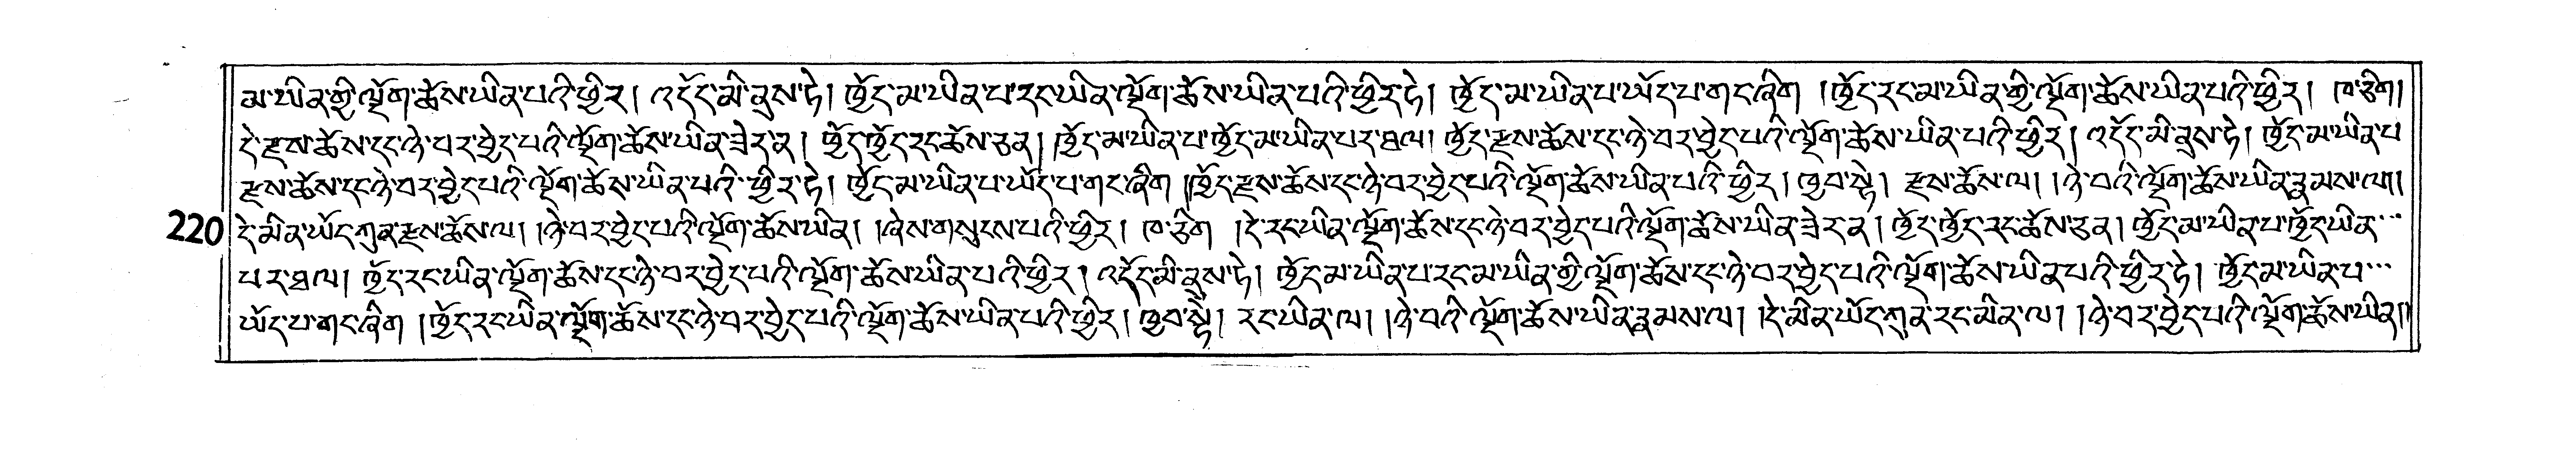མ་ཡིན་གྱི་ལྡོག་ཆོས་ཡིན་པའི་ཕྱིར། འདོད་མི་ནུས་ཏེ། ཁྱོད་མ་ཡིན་པ་རང་ཡིན་ལྡོག་ཆོས་ཡིན་པའི་ཕྱིར་ཏེ། ཁྱོད་མ་ཡིན་པ་ཡོད་པ་གང་ཞིག །ཁྱོད་རང་མ་ཡིན་གྱི་ལྡོག་ཆོས་ཡིན་པའི་ཕྱིར། ཁ་ཅིག།
དེ་རྫས་ཆོས་དང་ཉེ་བར་བྱེད་པའི་ལྡོག་ཆོས་ཡིན་ཟེར་ན། ཁྱོད་ཁྱོད་རང་ཆོས་ཅན། ཁྱོད་མ་ཡིན་པ་ཁྱོད་མ་ཡིན་པར་ཐལ། ཁྱོད་རྫས་ཆོས་དང་ཉེ་བར་བྱེད་པའི་ལྡོག་ཆོས་ཡིན་པའི་ཕྱིར། འདོད་མ་ནུས་ཏེ། ཁྱོད་མ་ཡིན་པ་
རྫས་ཆོས་དང་ཉེ་བར་བྱེད་པའི་ལྡོག་ཆོས་ཡིན་པའི་ཕྱིར་ཏེ། ཁྱོད་མ་ཡིན་པ་ཡོད་པ་གང་ཞིག །ཁྱོད་རྫས་ཆོས་དང་ཉེ་བར་བྱེད་པའི་ལྡོག་ཆོས་ཡིན་པའི་ཕྱིར། ཁྱབ་སྟེ། རྫས་ཆོས་ལ། །ཉེ་བའི་ལྡོག་ཆོས་ཡིན་རྣམས་ལ།།
དེ་མིན་ཡོད་ཀུན་རྫས་ཆོས་ལ། །ཉེ་བར་བྱེད་པའི་ལྡོག་ཆོས་ཡིན། །ཞེས་གསུངས་པའི་ཕྱིར། ཁ་ཅིག །དེ་རང་ཡིན་ལྡོག་ཆོས་དང་ཉེ་བར་བྱེ་དཔའི་ལྡོག་ཆོས་ཡིན་ཟེར་ན། ཁྱོད་ཁྱོད་རང་ཆོས་ཅན། ཁྱོད་མ་ཡིན་པ་ཁྱོད་ཡིན་
པར་ཐལ། ཁྱོད་རང་ཡིན་ལྡོག་ཆོས་དང་ཉེ་བར་བྱེད་པའི་ལྡོག་ཆོས་ཡིན་པའི་ཕྱིར། འདོད་མི་ནུས་ཏེ། ཁྱོད་མ་ཡིན་པ་རང་མ་ཡིན་གྱི་ལྡོག་ཆོས་དང་ཉེ་བར་བྱེད་པའི་ལྡོག་ཆོས་ཡིན་པའི་ཕྱིར་ཏེ། ཁྱོད་མ་ཡིན་པ་
ཡོད་པ་གང་ཞིག །ཁྱོད་རང་ཡིན་ལྡོག་ཆོས་དང་ཉེ་བར་བྱེད་པའི་ལྡོག་ཆོས་ཡིན་པའི་ཕྱིར། ཁྱབ་སྟེ། རང་ཡིན་ལ། །ཉེ་བའི་ལྡོག་ཆོས་ཡིན་རྣམས་ལ། །དེ་མིན་ཡོད་ཀུན་རང་མིན་ལ། །ཉེ་བར་བྱེད་པའི་ལྡོག་ཆོས་ཡིན།